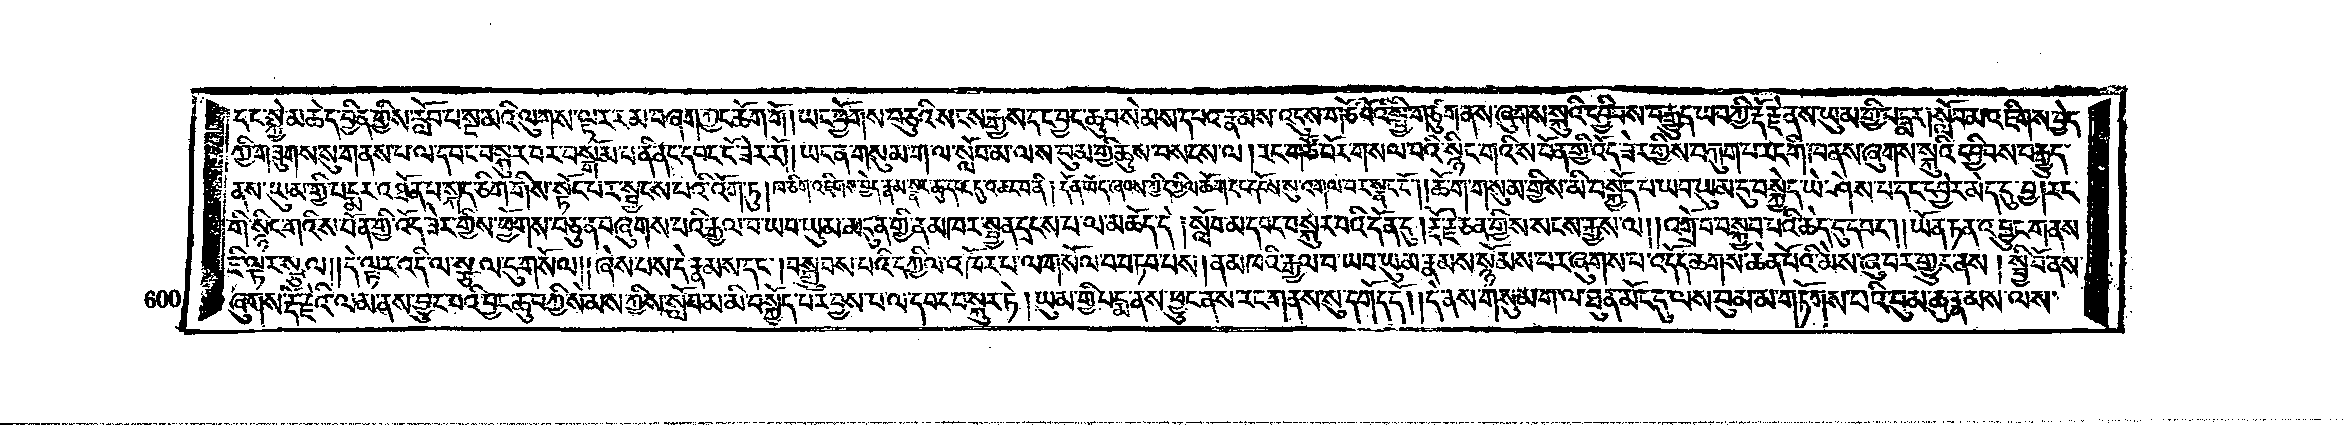དང་སྐྱེ་མཆེ་བྱིན་གྱིས་རློབ་པ་སྔ་མའི་ལུགས་ལྟར་རམ་བཞག་ཀྱང་ཆོག་གོ །ཡང་ཕྱོགས་བཅུའི་སངས་རྒྱས་དང་བྱང་ཆུབ་སེམས་དཔའ་རྣམས་འདུས་གཙོ་བོའི་སྤྱི་གཙུག་ནས་ཞུགས་སྐུའི་དབྱིབས་བརྒྱུད་ཡབ་ཀྱི་རྡོ་རྗེ་ནས་ཡུམ་གྱི་པདམར། སློབ་མ་འཇིགས་བྱེད་
ཀྱི་གཟུགས་སུ་གནས་པ་ལ་དབང་བསྐུར་བར་བསྒོམ་པ་ནི་ནང་དབང་ངོ་ཟེར་རོ། །ཡང་ན་གསུམ་ག་ལ་སློབ་མ་ལས་བུམ་གྱི་ཆུས་བསངས་ལ། རང་གཙོ་བོར་གསལ་བའི་སྙིང་གའི་ས་བོན་གྱི་འོད་ཟེར་གྱིས་བཀུག་པ་རང་གི་ཁ་ནས་ཞུགས་སྐུའི་དབྱིབས་བརྒྱུད་
ནས་ཡུམ་གྱི་པདམར་འཐོན་པ་སྐད་ཅིག་གིས་སྟོང་པར་སྦྱངས་པའི་འོག་ཏུ། ཁ་ཅིག་འཇིགས་བྱེད་རྣམ་སྣང་ཆུ་དབང་དུ་འཆར་བ་ནི། དོན་ཡོད་ཞབས་ཀྱི་དཀྱིལ་ཆོག་དང་དངོས་སུ་འགལ་བར་སྣང་ངོ།  །ཆོ་ག་གསུམ་གྱིས་མི་བསྐྱོད་པ་ཡབ་ཡུམ་དུ་བསྐྱེད་ཡེ་ཤེས་པ་དང་དབྱེར་མེད་དུ་བྱ། རང་
གི་སྙིང་གའི་ས་བོན་གྱི་འོད་ཟེར་གྱིས་ཕྱོགས་བཅུ་ན་བཞུགས་པའི་རྒྱལ་བ་ཡབ་ཡུམ་མདུན་གྱི་ནམ་མཁར་སྤྱན་དྲངས་པ་ལ་མཆོད་དེ། སློབ་མ་དབང་བསྐུར་བའི་དོན་དུ། རྡོ་རྗེ་ཅན་གྱིས་སངས་རྒྱས་ལ། འགྲོ་བ་བསྐྱབ་པའི་ཆེད་དུ་དབང་། །ཡོན་ཏན་འབྱུང་གནས་
ཇི་ལྟར་སྩལ། །དེ་ལྟར་འདི་ལ་སྩལ་དུ་གསོལ། །ཞེས་པས་དེ་རྣམས་དང་། བསྒྲུབས་པའི་དཀྱིལ་འཁོར་པ་ལ་གསོལ་བ་བཏབ་པས། ནམ་མཁའི་རྒྱལ་བ་ཡབ་ཡུམ་རྣམས་སྙོམས་པར་ཞུགས་པ་འདོད་ཆགས་ཆེན་པོའི་མེས་ཞུ་བར་གྱུར་ནས། སྤྱི་བོ་ནས་
ཞུགས་རྡོ་རྗེའི་ལམ་ནས་བྱུང་བའི་བྱང་ཆུབ་ཀྱི་སེམས་ཀྱིས་སློབ་མ་མི་བསྐྱོད་པར་བྱས་པ་ལ་དབང་བསྐུར་ཏེ། ཡུམ་གྱི་པདམ་ནས་ཕྱུང་ནས་རང་གནས་སུ་དགོད་དོ། །དེ་ནས་གསུམ་ག་ལ་ཐུན་མོང་དུ་ལས་བུམ་མ་གཏོགས་པའི་བུམ་ཆུ་རྣམས་ལས་